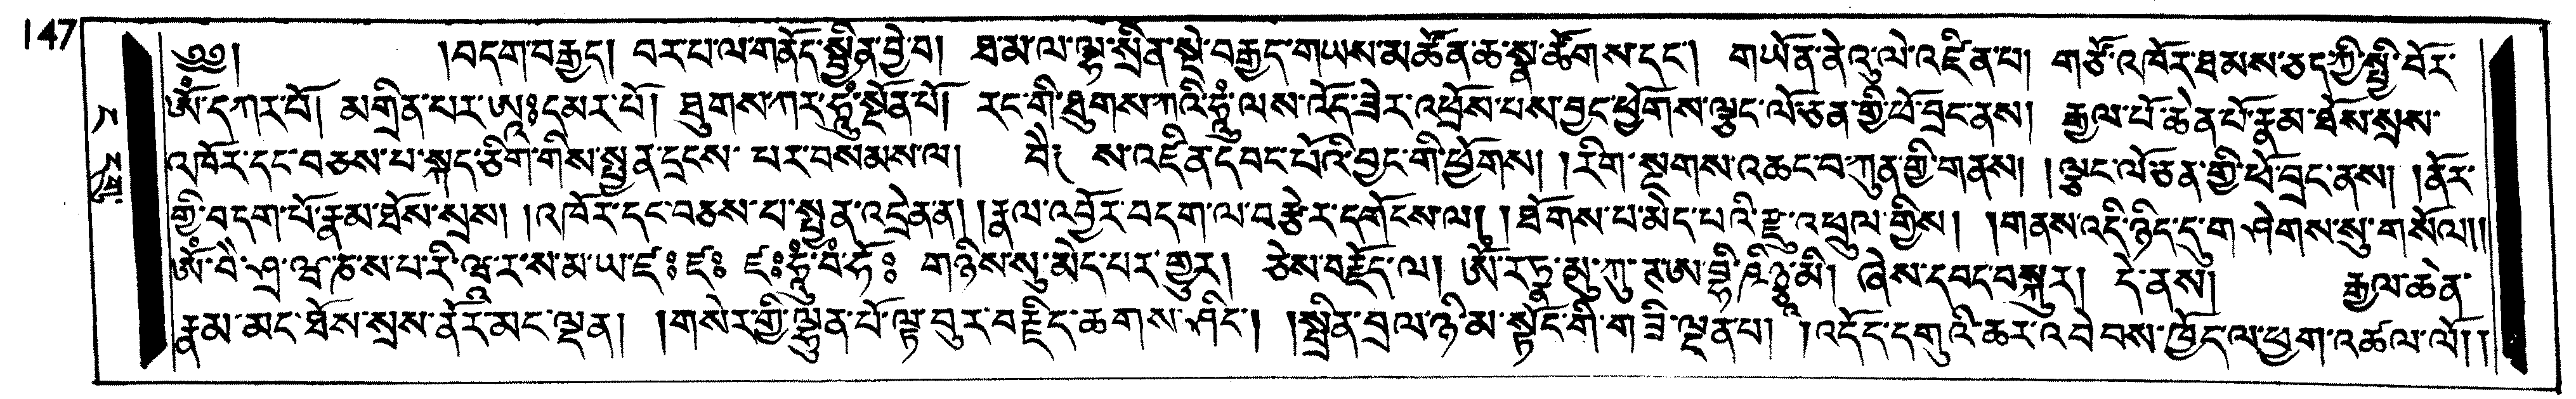༄༅། །བདག་བརྒྱད། བར་པ་ལ་གནོད་སྦྱིན་བྱེ་བ། ཐ་མ་ལ་ལྷ་སྲིན་སྔེ་བརྒྱད་གཡས་མཚོན་ཆ་སྣ་ཚོགས་དང་། གཡོན་ནེའུ་ལེ་འཛིན་པ། གཙོ་འཁོར་ཐམས་ཅད་ཀྱི་སྤྱི་བོར་
ཨོཾ་དཀར་པོ། མགྲིན་པར་ཨཱཿ དམར་པོ། ཐུགས་ཀར་ཧཱུཾ་སྔོན་པོ། རང་གི་ཐུགས་ཀའི་ཧཱུཾ་ལས་འོད་ཟེར་འཕྲོས་པས་བྱང་ཕྱོགས་ལྕང་ལོ་ཅན་གྱི་ཕོ་བྲང་ནས། རྒྱལ་པོ་ཆེན་པོ་རྣམ་ཐོས་སྲས་
འཁོར་དང་བཅས་པ་སྐད་ཅིག་གིས་སྤྱན་དྲངས་པར་བསམས་ལ། བཻ༑ ས་འཛིན་དབང་པོའི་བྱང་གི་ཕྱོགས། །རིག་སྔགས་འཆང་བ་ཀུན་གྱི་གནས། །ལྕང་ལོ་ཅན་གྱི་ཕོ་བྲང་ནས། །ནོར་
གྱི་བདག་པོ་རྣམ་ཐོས་སྲས། །འཁོར་དང་བཅས་པ་སྤྱན་འདྲེན་ན། །རྣལ་འབྱོར་བདག་ལ་བརྩེར་དགོངས་ལ། །ཐོགས་པ་མེད་པའི་རྫུ་འཕྲུལ་གྱིས། །གནས་འདི་ཉིད་དུ་གཤེགས་སུ་གསོལ། །
ཨོཾ་བཻ་ཤྲ་ཝ་ཎ་ས་པ་རི་ཝཱ་ར་ས་མ་ཡ་ཛཿ ཛཿ ཛཿ ཧཱུཾ་བཾ་ཧོཿ གཉིས་སུ་མེད་པར་གྱུར། ཅེས་བརྗོད་ལ། ཨོཾ་རཏྣ་མུ་ཀུ་ཊ་ཨ་བྷི་ཥིཉྩཱ་མི། ཞེས་དབང་བསྐུར། དེ་ནས། རྒྱལ་ཆེན་
རྣམ་མང་ཐོས་སྲས་ནོར་མང་ལྡན། །གསེར་གྱི་ལྷུན་པོ་ལྟ་བུར་བརྗིད་ཆགས་ཤིང་། །སྤྲིན་བྲལ་ཉི་མ་སྟོང་གི་གཟི་ལྡན་པ། །འདོད་དགུའི་ཆར་འབེབས་ཁྱོད་ལ་ཕྱག་འཚལ་ལོ།།